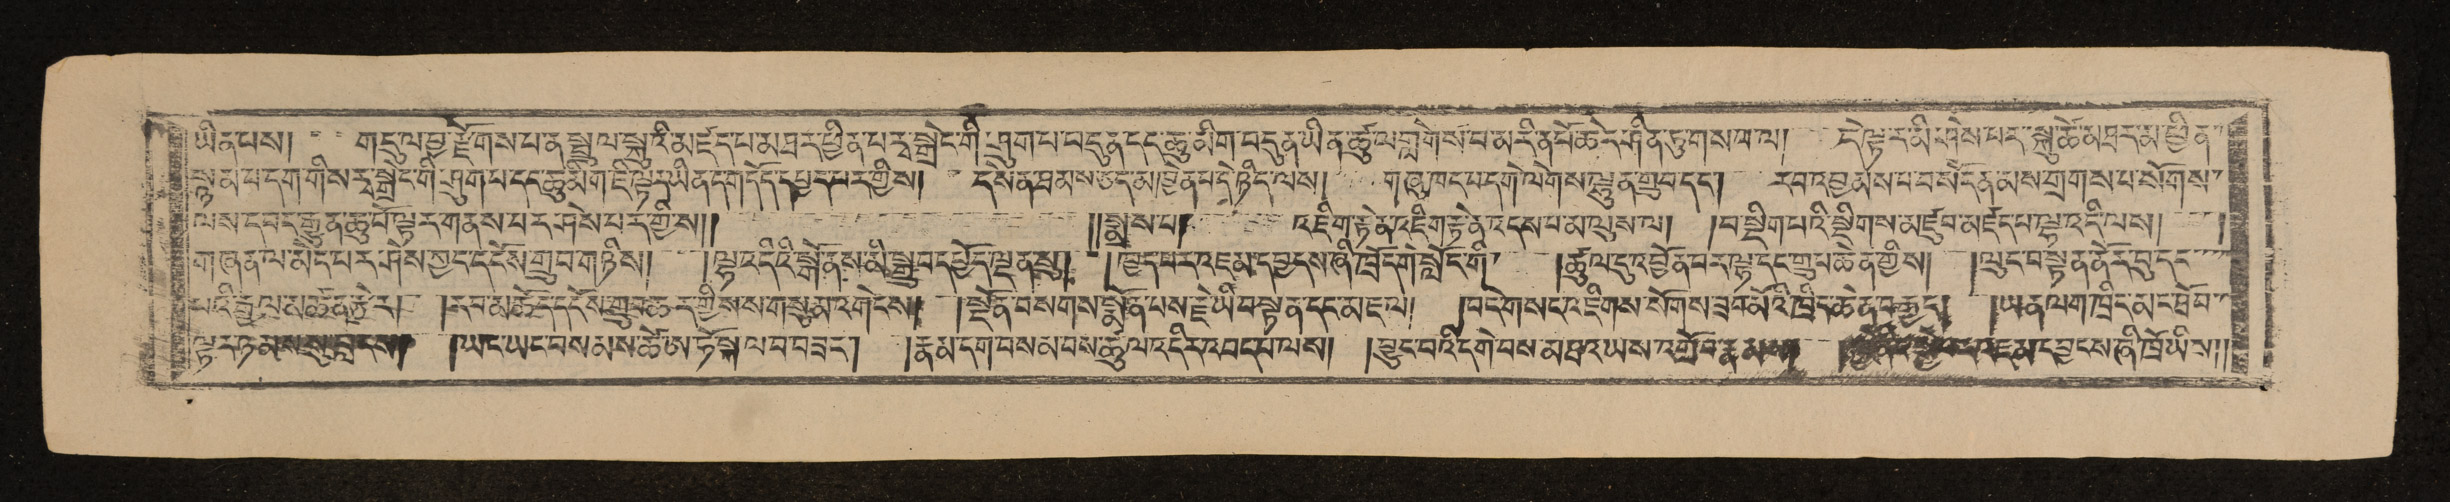ཡིན་པས། གདུལ་བྱ་རྫོགས་པ་ན་སྤྲུལ་སྐུའི་མཛད་པ་མཐར་ཕྱིན་པ་རྭ་སྒྲེང་གི་ཤུག་པ་བདུན་དང་ཆུ་མིག་བདུན་ཡིན་ཚུལ་གླེགས་བམ་རིན་པོ་ཆེར་ཤིན་ཏུ་གསལ་ལ། དེ་ལྟར་མི་ཤེས་པར་སྐུ་ཚེ་མཐར་མ་ཕྱིན་
སྙམ་པ་དག་གིས་ར་སྒྲེང་གི་ཤུག་པ་དང་ཆུ་མིག་ཇི་ལྟར་ཡིན་ད་གདོད་དཔྱད་པར་གྱིས། དེས་ན་ཐམས་ཅད་མཁྱེན་པ་དེ་ཉིད་ལས། གཞུ་ཁང་པ་དགེ་ལེགས་ལྷུན་གྲུབ་དང་། རབ་འབྱམས་པ་བསོད་ནམས་གྲགས་པ་སོགས་
ལས་དབང་རྒྱུན་ཆུ་པོ་ལྟར་གནས་པར་ཤེས་པར་གྱིས།། །།སྨྲས་པ། འཇིག་རྟེན་འཇིག་རྟེན་འདས་པ་མ་ལུས་ལ། །བསྡིག་པའི་སྡིགས་མཛུབ་མཛད་པ་ལྷ་འདི་ལས། །
གཞན་ལ་མེད་པར་ཤེས་ཀྱང་དངོས་གྲུབ་གཉིས། །ལྷ་འདིའི་སྒོ་ནས་མི་སྒྲུབ་དཔྱོད་ལྡན་སུ། །ཁྱད་པར་འཇམ་དབྱངས་ཞི་ཁྲོ་དགེ་སློང་གི །ཚུལ་དུ་འབྱོན་པར་ལྷ་དང་གྲུབ་ཆེན་གྱིས། །ལུང་བསྟན་ནོར་བུ་དང་
པའི་རྒྱལ་མཚན་རྩེར། །རབ་མཆོད་དངོས་གྲུབ་ཆར་གྱིས་ས་གསུམ་འགེངས། །སྔོན་བསགས་སྨོན་པས་རྗེ་ཡི་བསྟན་དང་མཇལ། །བདེ་གསང་འཇིགས་སོགས་ཟབ་མོའི་ཁྲིད་ཆེན་བརྒྱད། །ཡན་ལག་ཁྲིད་མང་ཐོབ་
ལྟར་ཉམས་སུ་བླངས། །ཡང་ཡང་བསམས་ཚེ་ཨ་ཧོ་སྐལ་བ་བཟང་། །རྣམ་དག་བསམ་པས་ཚུལ་འདིར་འབད་པ་ལས། །བྱུང་བའི་དགེ་བས་མཐའ་ཡས་འགྲོ་བ་རྣམས། །སྐྱེ་ཞིང་སྐྱེ་བར་འཇམ་དབྱངས་ཞི་ཁྲོ་ཡིས།།